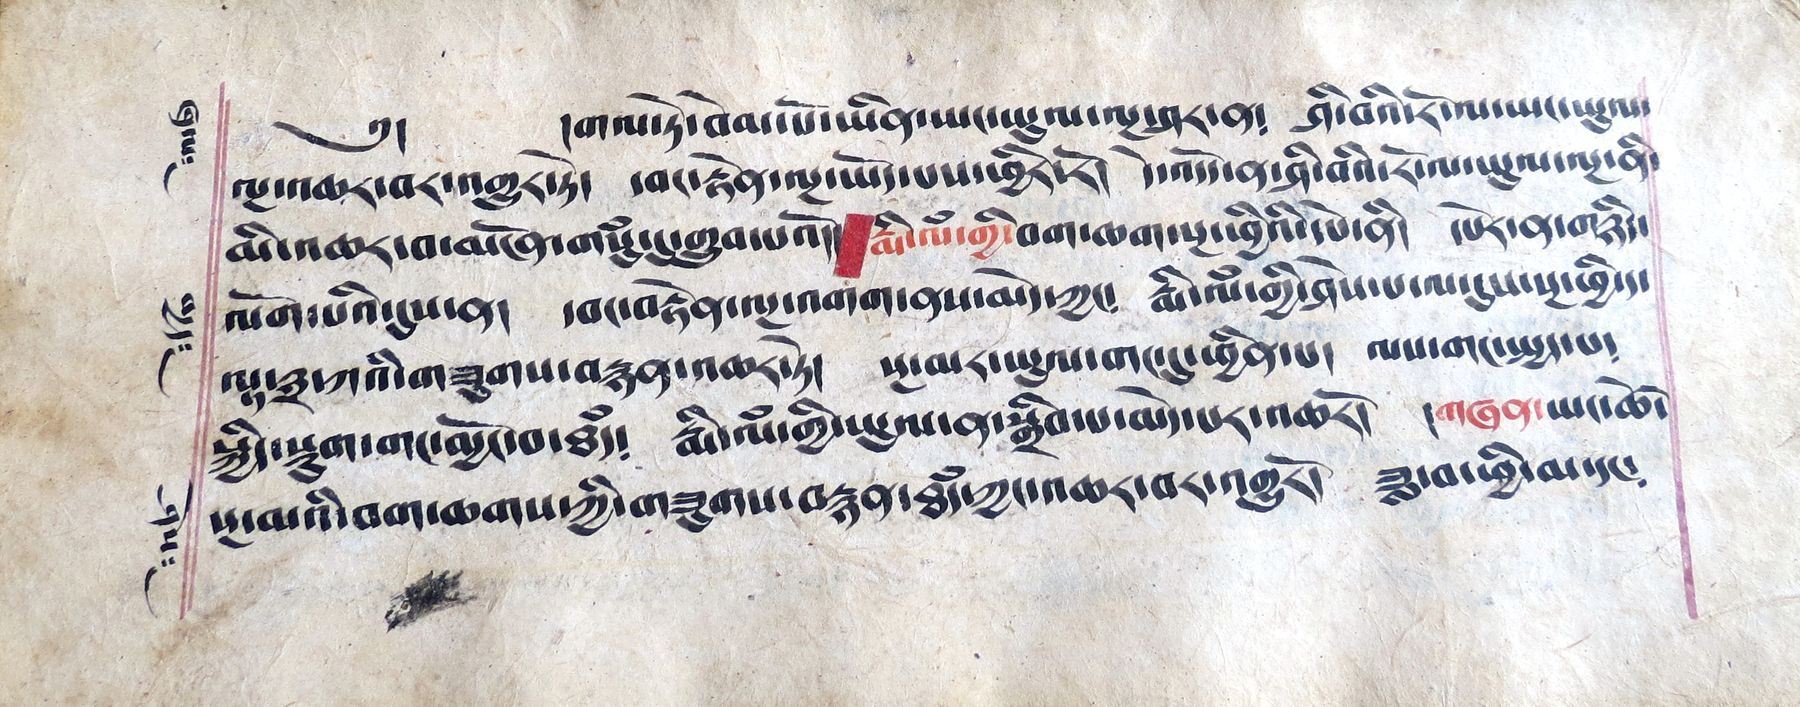གལ་ཏེ་བེམ་པོ་ཡིན་ཡང་ཡུལ་ལྔ་ཤར་ན། ཤི་བའི་རོ་ལ་ཡང་ཡུལ་
ལྔ་འཆར་བར་འགྱུར་ཏེ། དབང་རྟེན་ལྔ་ཡོད་པའི་ཕྱིར་རོ། ། དེ་འདོད་ན་ཤི་བའི་རོ་ལ་ཡུལ་ལྔ་
མི་འཆར་བར་མངོན་སུམ་གྱིས་གྲུབ་པའོ། ། རྨི་ལམ་གྱི་བག་ཆགས་སྔ་ཕྱིའི་དཔེ་ནི། དཔེར་ན་གཉིད་
ལོག་པའི་དུས་ན། དབང་རྟེན་དབང་པོ་འགགས་ནས་མེད་དེ། རྨི་ལམ་གྱི་ཤེས་པ་ལ་སྔ་ཕྱི་ད་
ལྟ་གསུམ་ཀའི་གཟུགས་བརྙན་འཆར་ཏེ། སྔ་མར་ཡུལ་གང་དུ་ཕྱིན་པ། ལས་གང་སྤྱད་པ། 
སྐྱིད་སྡུག་གང་མྱོང་བ་ཐམས་ཅད། རྨི་ལམ་གྱི་ཡུལ་ན་སྒྲིབ་པ་མེད་པར་འཆར་རོ། ། གཞན་ཡང་ཚེ་
སྔ་མའི་བག་ཆགས་ཀྱི་གཟུགས་བརྙན་ཐམས་ཅད་ཡང་འཆར་བར་འགྱུར་རོ། ། ཟླ་བ་ཕྱི་མ་དང་